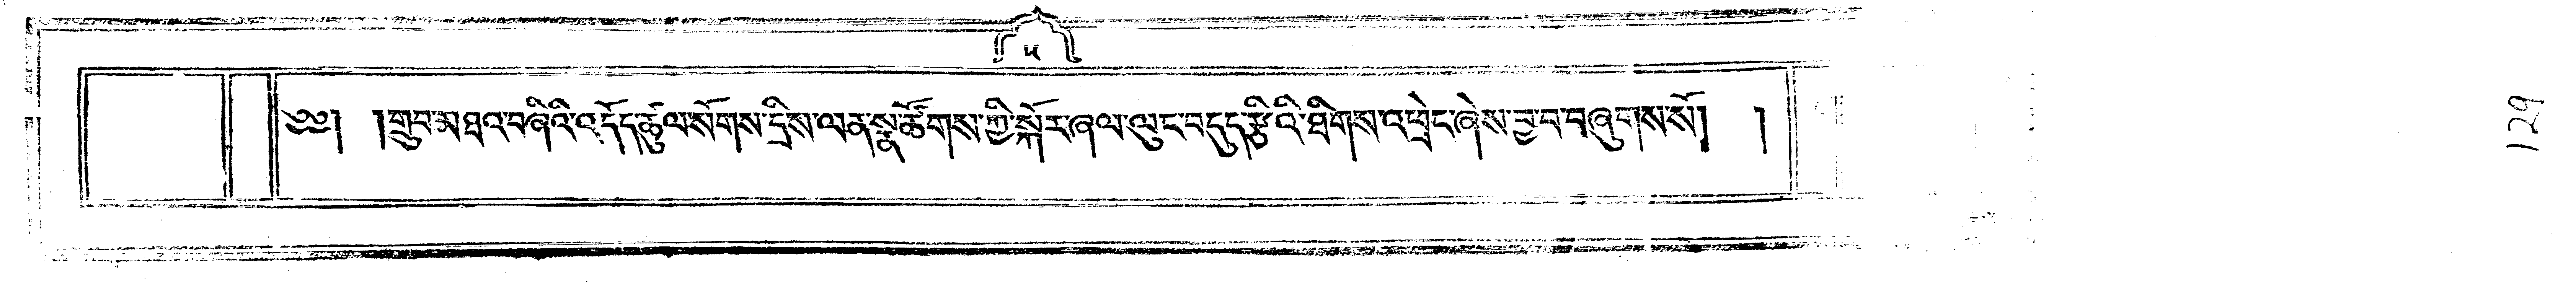༄༅། །གྲུབ་མཐའ་བཞིའི་འདོད་ཚུལ་སོགས་དྲིས་ལན་སྣ་ཚོགས་ཀྱི་སྐོར་ཞལ་ལུང་བདུད་རྩིའི་ཐིགས་འཕྲེང་ཞེས་བྱ་བ་བཞུགས་སོ། །